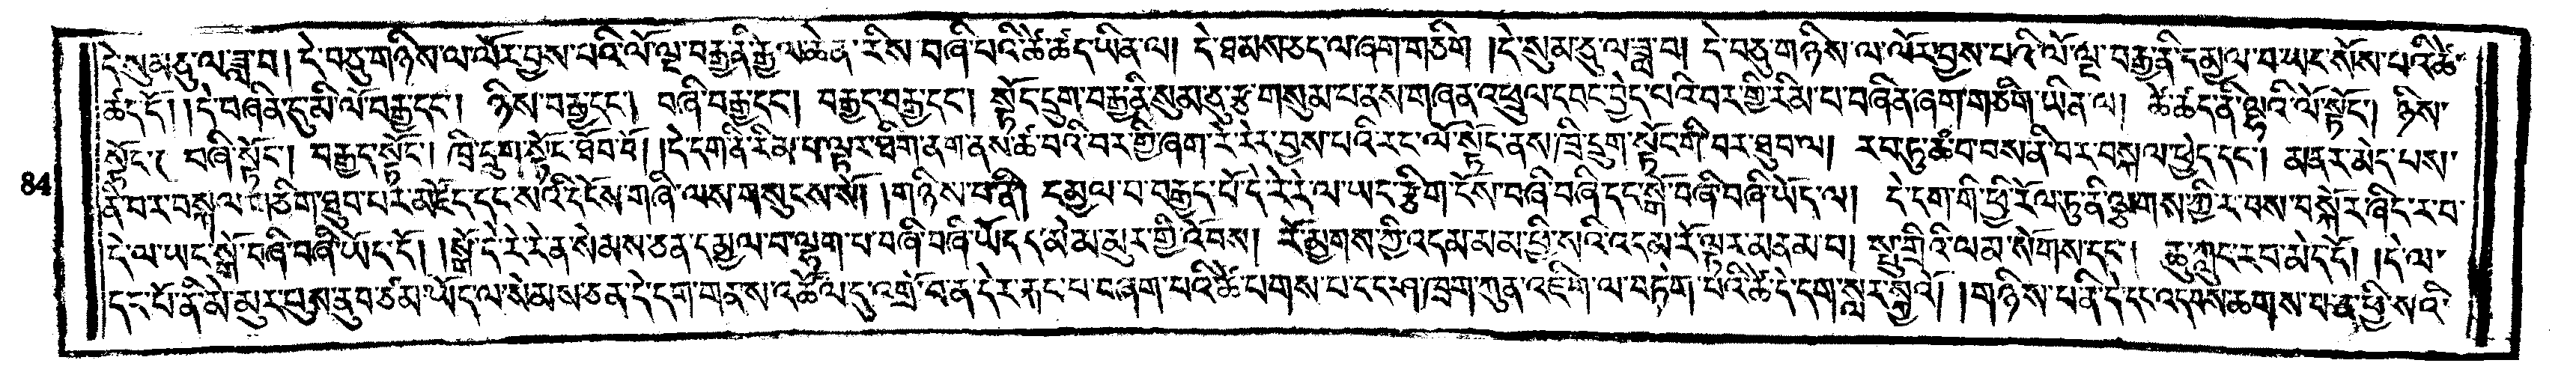དེ་སུམ་ཅུ་ལ་ཟླ་བ། དེ་བཅུ་གཉིས་ལ་ལོར་བྱས་པའི་ལོ་ལྔ་བརྒྱ་ནི་རྒྱལ་ཆེན་རིས་བཞི་པའི་ཚེ་ཚད་ཡིན་ལ། དེ་ཐམས་ཅད་ལ་ཞག་གཅིག། དེ་སུམ་ཅུ་ལ་ཟླ་བ། དེ་བཅུ་གཉིས་ལ་ལོར་བྱས་པའི་ལོ་ལྔ་བརྒྱ་ནི་དམྱལ་བ་ཡང་སོས་པའི་ཚེ་
ཚད་དོ། །དེ་བཞིན་དུ་མི་ལོ་བརྒྱ་དང་། ཉིས་བརྒྱ་དང་། བཞི་བརྒྱ་དང་། བརྒྱད་བརྒྱ་དང་། སྟོང་དྲུག་བརྒྱ་ནི་སུམ་ཅུ་རྩ་གསུམ་པ་ནས་གཞན་འཕྲུལ་དབང་བྱེད་པའི་བར་གྱི་རིམ་པ་བཞིན་ཞག་གཅིག་ཡིན་ལ། ཚེ་ཚད་ནི་ལྷའི་ལོ་སྟོང་། ཉིས་
སྟོང་༑ བཞི་སྟོང་། བརྒྱད་སྟོང་། ཁྲི་དྲུག་སྟོང་ཐོབ་བོ། །དེ་དག་ནི་རིམ་པ་ལྟར་ཐིག་ནག་ནས་ཚ་བའི་བར་གྱི་ཞག་རེ་རེར་བྱས་པའི་རང་ལོ་སྟོང་ནས་ཁྲི་དྲུག་སྟོང་གི་བར་ཐུབ་ལ། རབ་ཏུ་ཚ་བ་བས་ནི་བར་བསྐལ་ཕྱེད་དང་། མནར་མེད་པས་
ནི་བར་བསྐལ་གཅིག་ཐུབ་པར་མཛོད་དང་སའི་དངོས་གཞི་ལས་གསུངས་སོ། །གཉིས་པ་ནི། དམྱལ་བ་བརྒྱད་པོ་དེ་རེ་རེ་ལ་ཡང་རྩིག་ངོས་བཞི་བཞི་དང་སྒོ་བཞི་བཞི་ཡོད་ལ། དེ་དག་གི་ཕྱི་རོལ་ཏུ་ནི་ལྕགས་ཀྱི་ར་བས་བསྐོར་ཞིང་ར་བ་
དེ་ལ་ཡང་སྒོ་བཞི་བཞི་ཡོད་དོ། །སྒྲོ་དེ་རེ་རེ་ན་སེམས་ཅན་དམྱལ་བ་ལྷག་པ་བཞི་བཞི་ཡོད་ད་མེ་མ་མུར་གྱི་འོབས། རོ་མྱགས་ཀྱི་འདམ་མམ་ཕྱི་སའི་འདམ་རོ་ལྟར་མནམ་པ། སྤུ་གྲིའི་ལམ་སོགས་དང་། ཆུ་ཀླུང་རབ་མེད་དོ། །དེ་ལ་
དང་པོ་ནི་མེ་མུར་བུས་ནུབ་ཙམ་ཡོད་ལ་སེམས་ཅན་དེ་དག་གནས་འཚོལ་དུ་འགྲོ་བ་ན་དེར་རྐང་པ་བཞག་པའི་ཚེ་པགས་པ་ངང་ཤ་ཁྲག་ཀུན་འཇིག་ལ་བཏེག་པའི་ཚེ་དེ་དག་སླར་སྐྱའོ། །གཉིས་པ་ནི་དེ་དང་འདབས་ཆགས་པ་ན་ཕྱི་སའི་